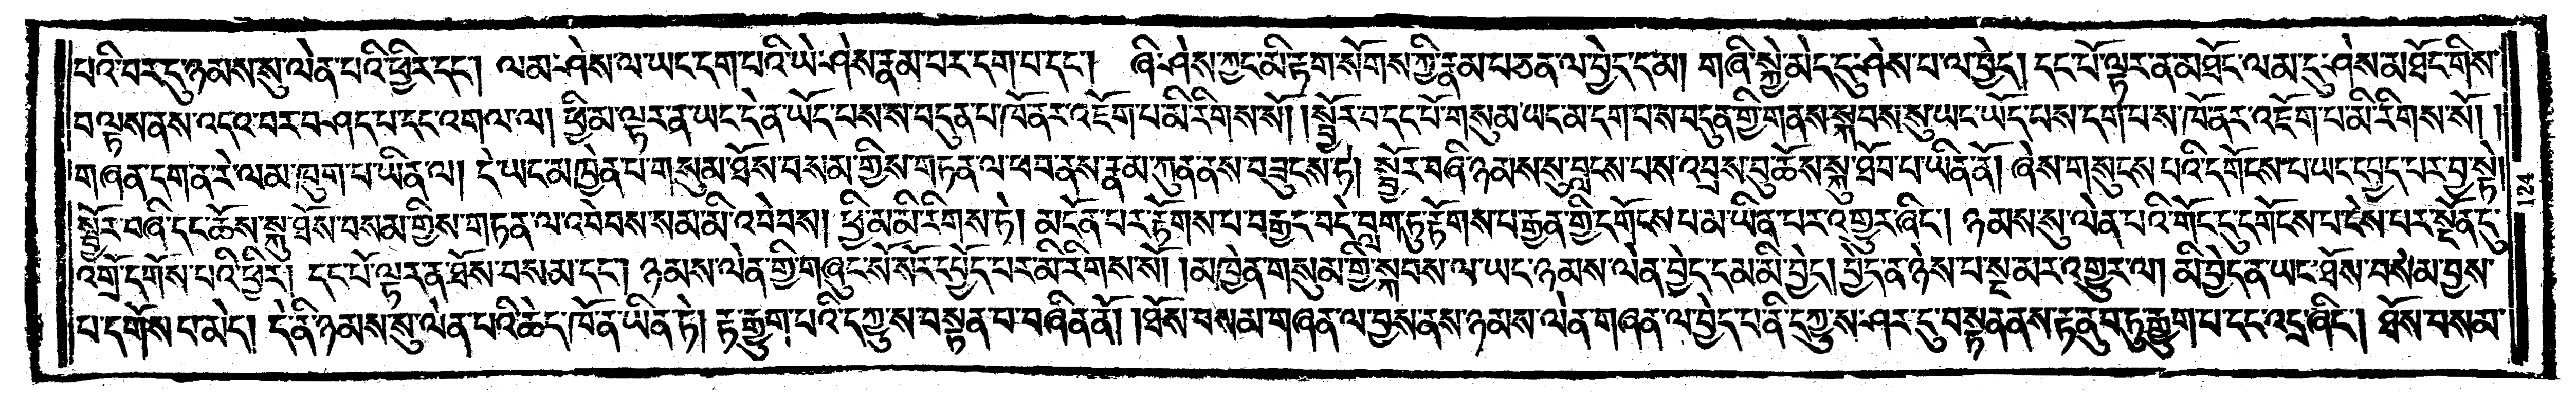པའི་བར་དུ་ཉམས་སུ་ལེན་པའི་ཕྱིར་དང་། ལམ་ཤེས་ལ་ཡང་དག་པའི་ཡེ་ཤེས་རྣམ་པར་དག་པ་དང་། ཞི་ཤེས་ཀྱང་མི་རྟག་སོགས་ཀྱི་རྣམ་པ་ཅན་ལ་བྱེད་དམ། གཞི་སྐྱེ་མེད་དུ་ཤེས་པ་ལ་བྱེད། དང་པོ་ལྟར་ན་མཐོང་ལམ་དུ་ཤེས་མཐོང་གིས་
བལྟས་ནས་འདའ་བར་བཤད་པ་དང་འགལ་ལ། ཕྱི་མ་ལྟར་ན་ཡང་དེ་ན་ཡོད་པས་ས་བདུན་པ་ཁོ་ནར་འཇོག་པ་མི་རིགས་སོ། །སྦྱོར་བ་དང་པོ་གསུམ་ཡང་མ་དག་པ་ས་བདུན་གྱི་གནས་སྐབས་སུ་ཡང་ཡོད་པས་དག་པ་ས་ཁོ་ནར་འཇོག་པ་མི་རིགས་སོ། །
གཞན་དག་ན་རེ་ལམ་ཁུག་པ་ཡིན་ལ། དེ་ཡང་མཁྱེན་པ་གསུམ་ཐོས་བསམ་གྱིས་གཏན་ལ་ཕབ་ནས་རྣམ་ཀུན་ནས་བཟུངས་ཏེ། སྦྱོར་བཞི་ཉམས་སུ་བླངས་པས་འབྲས་བུ་ཆོས་སྐུ་ཐོབ་པ་ཡིན་ནོ། ཞེས་གསུངས་པའི་དགོངས་པ་ཡང་དཔྱད་པར་བྱ་སྟེ།
སྦྱོར་བཞི་དང་ཆོས་སྐུ་ཐོས་བསམ་གྱིས་གཏན་ལ་འབེབས་སམ་མི་འབེབས། ཕྱི་མ་མི་རིགས་ཏེ། མངོན་པར་རྟོགས་པ་བརྒྱད་བདེ་བླག་ཏུ་རྟོགས་པ་རྒྱན་གྱི་དགོངས་པ་མ་ཡིན་པར་འགྱུར་ཞིང་། ཉམས་སུ་ལེན་པའི་གོང་དུ་དགོངས་པ་ངེས་པར་སྔོན་དུ་
འགྲོ་དགོས་པའི་ཕྱིར། དང་པོ་ལྟར་ན་ཐོས་བསམ་དང་། ཉམས་ལེན་གྱི་གཞུང་སོ་སོར་དཔྱོད་པར་མི་རིགས་སོ། །མཁྱེན་གསུམ་གྱི་སྐབས་ལ་ཡང་ཉམས་ལེན་བྱེད་དམ་མི་བྱེད། བྱེད་ན་ཉེས་པ་སྔ་མར་འགྱུར་ལ། མི་བྱེད་ན་ཡང་ཐོས་བསམ་བྱས་
པ་དགོས་པ་མེད། དེ་ནི་ཉམས་སུ་ལེན་པའི་ཆེད་ཁོ་ན་ཡིན་ཏེ། རྟ་རྒྱུག་པའི་དཀྱུ་ས་བསྟན་པ་བཞིན་ནོ། །ཐོས་བསམ་གཞན་ལ་བྱས་ནས་ཉམས་ལེན་གཞན་ལ་བྱེད་པ་ནི་དཀྱུ་ས་ཤར་དུ་བསྟན་ནས་རྟ་ནུབ་ཏུ་རྒྱུག་པ་དང་འདྲ་ཞིང་། ཐོས་བསམ་